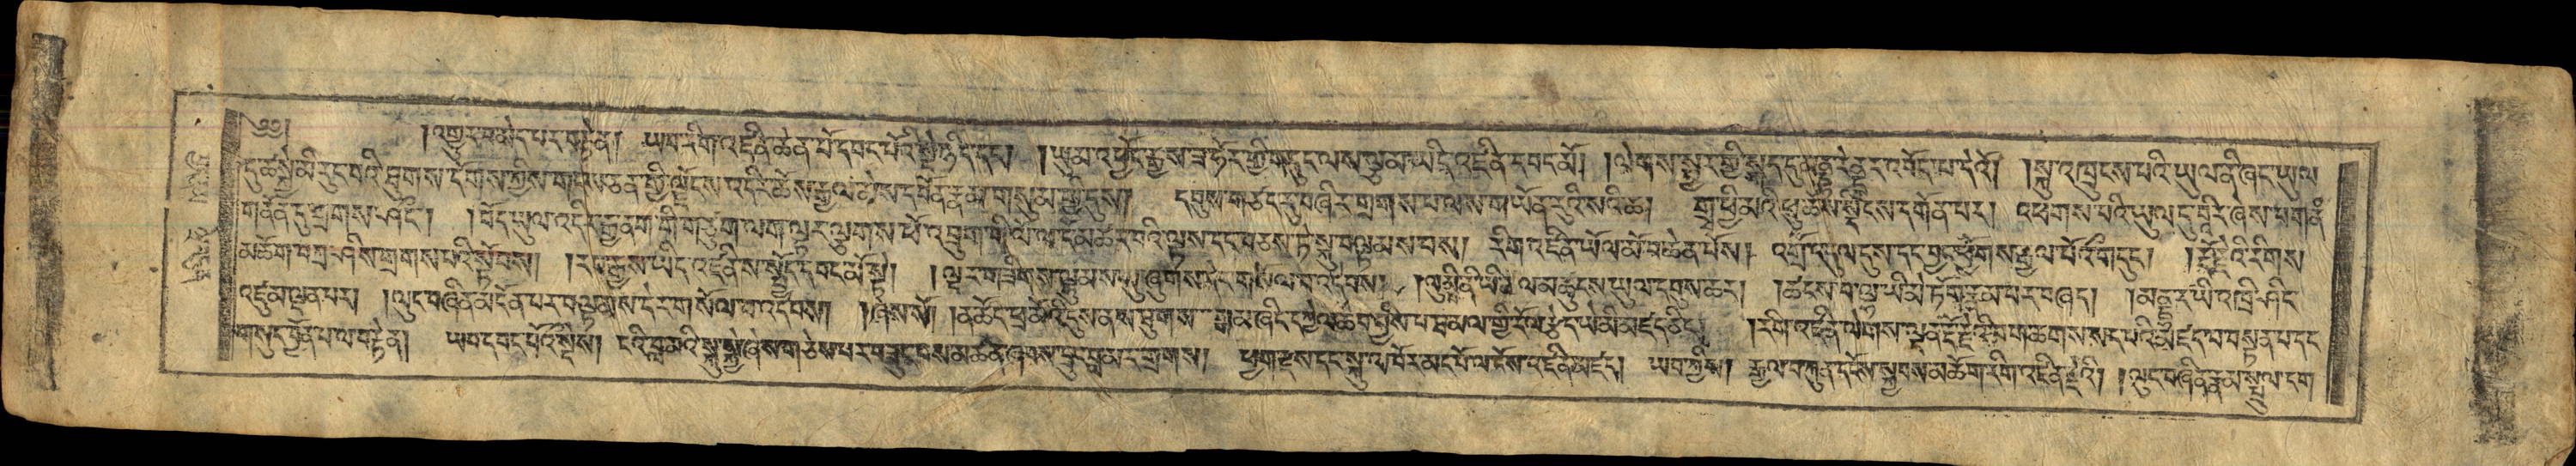༄༅། །འགྱུར་བ་མེད་པར་བརྟེན། ཡབ་རིག་འཛིན་ཆེན་པོ་དབང་པོའི་སྡེ་ཉིད་དང་། །ཡུམ་འཕྱོང་རྒྱས་ཟ་ཧོར་གྱི་གདུང་ལས་ལྕམ་ཡིད་འཛིན་དབང་མོ། །ལེགས་སྦྱར་གྱི་སྐད་དུ་མནྡྷ་རེནྡྲ་ར་འབོད་བ་དེའོ། །སྐུ་འཁྲུངས་བའི་ཡུལ་ནི་ཞང་ཡུལ་
དུ་ཚ་སྐྱེ་མི་རུང་བའི་ཐུགས་དོགས་ཀྱིས་གངས་ཅན་གྱི་ལྗོངས་འདིར་ཆོས་རྒྱལ་མེས་དབོན་རྣམ་གསུམ་གྱི་དུས། དབུས་གཙང་དུ་བཞིར་གྲགས་པ་ལས་གཡོན་རུའི་སའི་ཆ། གྲྭ་ཕྱི་མའི་ཕུ་ཆོས་སྡིངས་དགོན་པར། འཕགས་པའི་ཡུལ་དུ་བཱིར་ཞེས་པ་གནཾ་
གནོན་དུ་གྲགས་ཤྀང་། །བོད་ཡུལ་འདིར་རྒྱ་ནག་གི་གཙུག་ལག་ལྟར་ལྕགས་ཕོ་འབྲུག་གི་ལོ་ལ་ངོ་མཚར་བའི་ལྟས་དང་བཅས་ཏེ་སྐུ་བལྟམས་བས། རིག་འཛིན་ཡོལ་མོ་བ་ཆེན་པོས། འགྲོ་འདུལ་དུས་དང་བྱང་ཕྱོགས་རྒྱལ་པོཨཱྀ་གདུང་། །རྡོ་རྗེའི་རིགས་
མཆོག་བཀྲ་ཤིས་གྲགས་པའི་སྟོབས། །རབ་རྒྱས་ཡིད་འཛིན་ས་སྤྱོད་དབང་མོ་སྟེ། །ལྔར་གཟིགས་ལྷུམས་སུ་ཞུགས་དེར་གསོལ་བ་འདེབས། །ལུམྦི་ནི་ཡི་ཚལ་མཆུངས་ཡུལ་དབུས་ཆར། །ཚངས་པ་ལྷ་ཡི་མེ་ཏོག་རྣམ་པར་བཞད། །མནྡྷ་ར་ཡི་འཁྲི་ཤིང་
འཛུམ་ལྡན་པར། །ལུང་བཞིན་མངོན་པར་བལྟམས་དེར་གསོལ་བ་འདེབས། །ཞེས་སོ། །ན་ཚོད་ཕྲ་མོའི་དུས་ནས་ཐུགས་སྒམ་ཞིང་དཀྱེལ་ཆེ་བ་བྱིས་པ་ཐ་མལ་གྱི་རོལ་རྩེད་ཡེ་མི་མཛད་ཅིང་། །རིག་འཛིན་ལེགས་ལྡན་རྡོ་རྗེའི་བག་ཆགས་སད་པའི་མཛད་པ་བསྟན་བ་དང་
གསུང་བྱོན་པ་ལ་བརྟེན། ཡབ་དབང་པོཨཱྀ་སྡེས། ངའི་བླ་མའི་སྐུ་སྐྱེ་ཞེས་གཅེས་པར་བཟུང་བས་མཚན་ཞབས་དྲུང་བླ་མར་གྲགས། ཕྱག་རྫས་དང་སྐུ་འཁོར་མང་པོ་ལ་ངོས་འཛིན་མཛད། ཡབ་ཀྱིས། རྒྱལ་བ་ཀུན་དངོས་སྐྱབས་མཆོག་རིག་འཛིན་རྗེའི། །ལུང་བཞིན་རྣམ་སྤྲུལ་ངག་